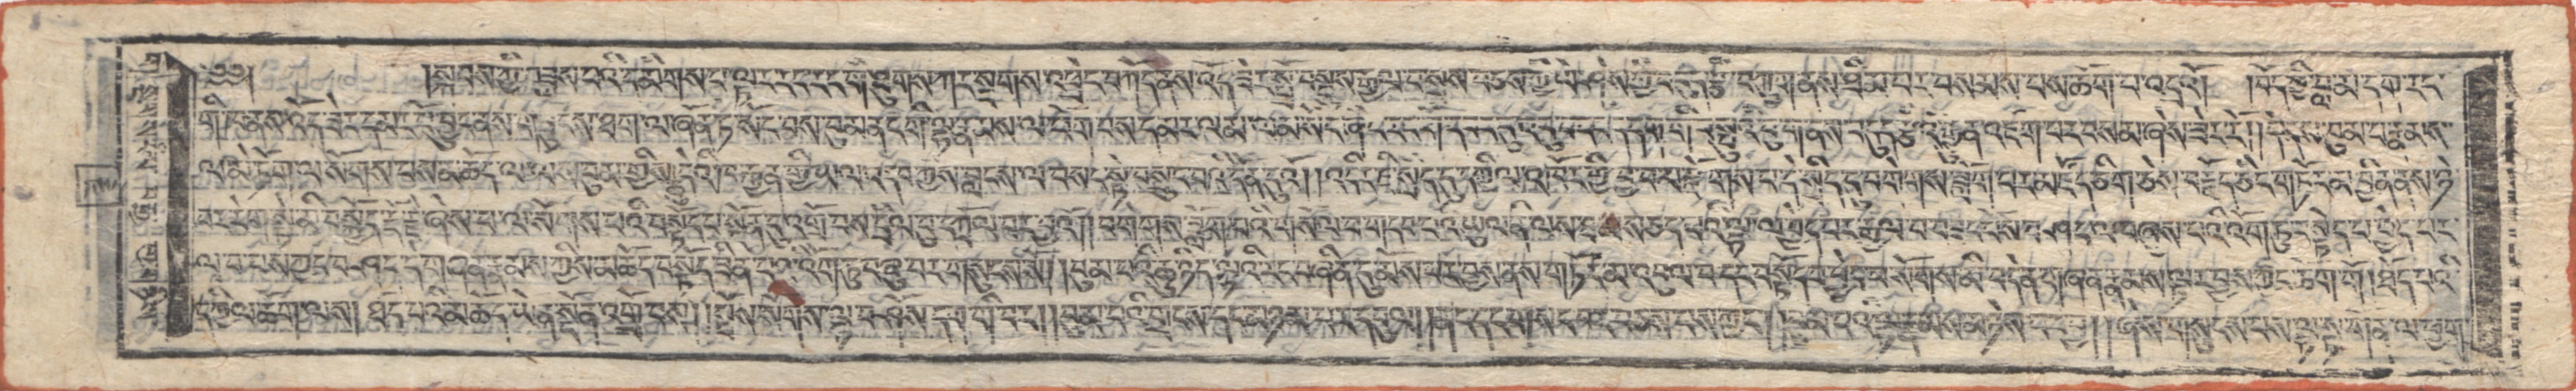༄༅། །སྐབས་ཀྱི་བཟླས་པའི་དམིགས་པ་ལྟར་རང་རང་གི་ཐུགས་ཀར་སྔགས་འཕྲེང་བཀོད་ནས་འོད་ཟེར་སྤྲོ་བསྡུས་རྒྱལ་བ་སྲས་བཅས་ཀྱི་ཡེ་ཤེས་ཀྱི་བདུད་རྩི་བཀུག་ནས་ཐིམ་པར་བསམས་པས་ཆོག་པ་འདྲའོ། །བོད་ཀྱི་བླ་མ་དག་རང་
གི་ཁ་ནས་འོད་ཟེར་དམར་པོ་བྱུང་ནས་གཟུངས་ཐག་ལ་ཞོན་ཏེ་སོང་བས་བུམ་ནང་གི་ལྷ་རྣམས་ལ་ཕོག་པས་དམར་ལམ་ལམ་སོང་ཞིང་རང་གི་དབང་དུ་འདུ་བ་དང་དེ་དག་གི་བ་སྤུའི་བུ་ག་ནས་བདུད་རྩིའི་རྒྱུན་འཇོག་པར་བསམ་ཞེས་ཟེར་རོ། །དེ་ནས་བུམ་པ་རྣམས་
ལ་མེ་ཏོག་ལ་སོགས་པས་མཆོད་ལ་ལས་བུམ་གྱིས་ཆུ་དེའི་ཁ་རྒྱན་གྱི་ཡལ་འདབ་ཀྱིས་བླངས་ལ་བསད་སྟེ་བསྲུང་བའི་དོན་དུའོ། །འདིར་ཇི་སྲིད་དུ་དཀྱིལ་འཁོར་གྱི་བྱ་བ་མ་རྫོགས་པ་དེ་སྲིད་དུ་བགེགས་ཟློག་པར་མཛོད་ཅིག་ཅེས་བརྗོད་ཅིང་གཏོར་མ་བྱིན་ནས་ཉེ་
བར་རེག་སྟེ་མི་བསྐྱོད་རྡོ་རྗེ་ཞེས་པ་ལ་སོགས་པའི་བསྟོད་པ་སྔོན་དུ་འགྲོ་བས་དྲིལ་བུ་དཀྲོལ་བར་བྱའོ། །བགེགས་ཟློག་པའི་གསོལ་བ་གདབ་པའི་ཡུལ་ནི་ལས་ཐམས་ཅད་པའི་ལྷ་ལ་བྱེད་པར་རྒྱལ་བ་བཟང་པོས་བཤད་ལ་བཞུས་པའི་འོག་ཏུ་བསྟོད་པ་བྱེད་པར་
ལྭ་བ་པས་ཀྱང་བཤད་དེ་གཞན་རྣམས་ཀྱིས་མཆོད་བསྟོད་ཟིན་པའི་འོག་ཏུ་བཞུ་བར་གསུངས་སོ། །བུམ་པའི་ཆུ་ཉིད་ལྷའི་རང་བཞིན་དུ་མོས་པར་བྱས་ནས་གཏོར་མ་འབུལ་བ་དང་བསྟོད་པ་བྱེད་པ་སོགས་མི་བདེན་གཞན་རྣམས་ལྟར་བྱས་ཀྱང་ཆོག་གོ །ཐོད་པའི་
དཀྱིལ་ཆོག་ལས། ཐོད་པའི་མཆོད་ཡོན་སྔོན་འགྲོ་བས། །སྤོས་སོགས་ལྷ་བཤོས་དག་གི་བར། །བུམ་པའི་གྲངས་དང་མཉམ་པར་དབུལ། །ནང་དང་གསང་བར་བཅས་པས་ཀྱང་། །བུམ་པའི་ལྷ་རྣམས་མཉེས་པར་བྱ། །ཞེས་གསུངས་པས་ལྷ་སྟ་གོན་ལ་ཕྱག་